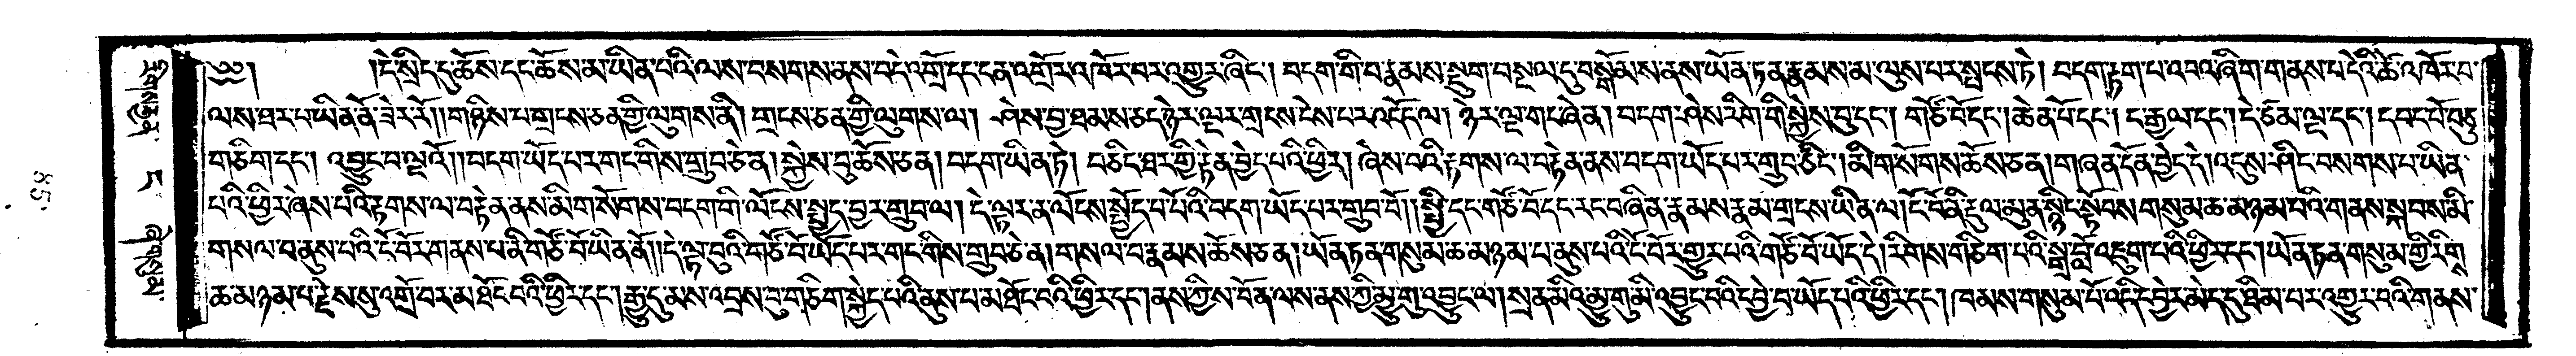༄༅། །དེ་སྲིད་དུ་ཆོས་དང་ཆོས་མ་ཡིན་པའི་ལས་བསགས་ནས་བདེ་འགྲོ་དང་ངན་འགྲོར་འཁོར་བར་འགྱུར་ཞིང་། བདག་གི་བ་རྣམས་སྡུག་བསྔལ་དུ་བསྒོམས་ནས་ཡོན་ཏན་རྣམས་མ་ལུས་པར་སྤངས་ཏེ། བདག་རྟག་པ་འབའ་ཞིག་གནས་པ་དེའི་ཚེ་འཁོར་བ་
ལས་ཐར་པ་ཡིན་ནོ་ཟེར་རོ། །གཉིས་པ་གྲངས་ཅན་གྱི་ལུགས་ནི། གྲངས་ཅན་གྱི་ལུགས་ལ། ཤེས་བྱ་ཐམས་ཅད་ཉེར་ལྔར་གྲངས་ངེས་པར་འདོད་ལ། ཉེར་ལྔ་གང་ཞེ་ན། བདག་ཤེས་རིག་གི་སྐྱེས་བུ་དང་། གཙོ་བོ་དང་། ཆེན་པོ་དང་། ང་རྒྱལ་དང་། དེ་ཙམ་ལྔ་དང་། དབང་པོ་བཅུ་
གཅིག་དང་། འབྱུང་བ་ལྔའོ། །བདག་ཡོད་པར་གང་གིས་གྲུབ་ཅེ་ན། སྐྱེས་བུ་ཆོས་ཅན། བདག་ཡིན་ཏེ། བཅིང་ཐར་གྱི་རྟེན་བྱེད་པའི་ཕྱིར། ཞེས་པའི་རྟགས་ལ་བརྟེན་ནས་བདག་ཡོད་པར་གྲུབ་ཅིང་། མིག་སོགས་ཆོས་ཅན། གཞན་དོན་བྱེད་དེ། འདུས་ཤིང་བསགས་པ་ཡིན་
པའི་ཕྱིར་ཞེས་པའི་རྟགས་ལ་བརྟེན་ནས་མིག་སོགས་བདག་གི་ལོངས་སྤྱད་བྱར་གྲུབ་ལ། དེ་ལྟར་ན་ལོངས་སྤྱོད་པ་པོའི་བདག་ཡོད་པར་གྲུབ་བོ། །སྤྱི་དང་གཙོ་བོ་དང་རང་བཞིན་རྣམས་རྣམ་གྲངས་ཡིན་ལ། ངོ་བོ་ནི་རྡུལ་མུན་སྙིང་སྟོབས་གསུམ་ཆ་མཉམ་པའི་གནས་སྐབས་མི་
གསལ་བ་ནུས་པའི་ངོ་བོར་གནས་པ་ནི་གཙོ་བོ་ཡིན་ནོ། །དེ་ལྟ་བུའི་གཙོ་བོ་ཡོད་པར་གང་གིས་གྲུབ་ཅེ་ན། གསལ་བ་རྣམས་ཆོས་ཅན། ཡོན་ཏན་གསུམ་ཆ་མཉམ་པ་ནུས་པའི་ངོ་བོར་གྱུར་པའི་གཙོ་བོ་ཡོད་དེ། རིགས་གཅིག་པའི་སྒྲ་བློ་འཇུག་པའི་ཕྱིར་དང་། ཡོན་ཏན་གསུམ་གྱི་རིགས་
ཆ་མཉམ་པ་རྗེས་སུ་འགྲོ་བར་མཐོང་བའི་ཕྱིར་དང་། རྒྱུ་དུ་མས་འབྲས་བུ་གཅིག་སྐྱེད་པའི་ནུས་པ་མཐོང་བའི་ཕྱིར་དང་། ནས་ཀྱི་ས་བོན་ལས་ནས་ཀྱི་མྱུ་གུ་འབྱུང་ལ། སྲན་མིའི་མྱུ་གུ་མི་འབྱུང་བའི་དབྱེ་བ་ཡོད་པའི་ཕྱིར་དང་། ཁམས་གསུམ་པོ་འདི་དབྱེར་མེད་དུ་ཐིམ་པར་འགྱུར་བའི་གནས་